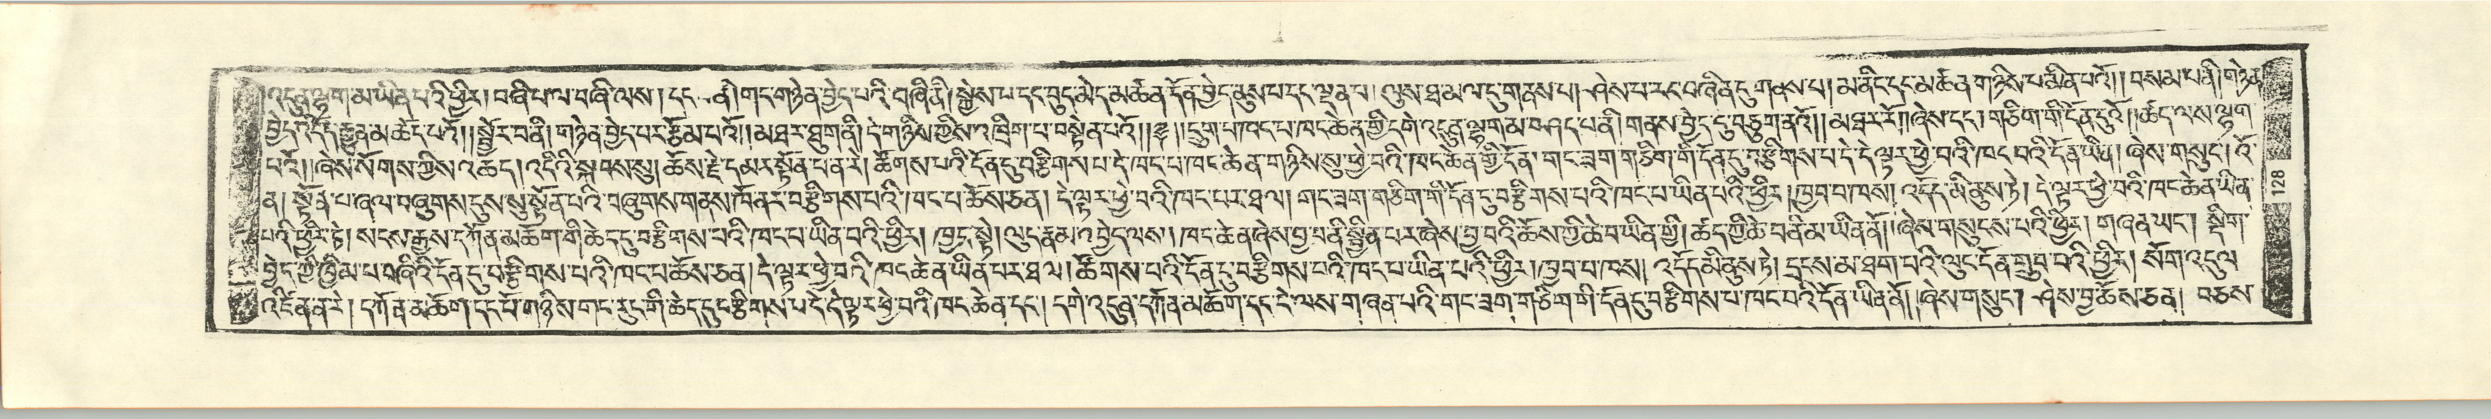འདུན་ལྷག་མ་ཡིན་པའི་ཕྱིར། བཞི་པ་ལ་བཞི་ལས། དང་པོ་ནི། གང་གཉེན་བྱེད་པའི་བཞི་ནི། སྐྱེས་པ་དང་བུད་མེད་མཚན་དོན་བྱེད་ནུས་པ་དང་ལྡན་པ། ལུས་ཐ་མལ་དུ་གནས་པ། ཤེས་པ་རང་བཞིན་དུ་གནས་པ། མ་ནིང་དང་མཚན་གཉིས་པ་མིན་པའོ། །བསམ་པ་ནི། གཉེན་
བྱེད་འདོད་རྒྱུན་མཆོད་པའོ། །སྦྱོར་བ་ནི། གཉེན་བྱེད་པར་རྩོམ་པའོ། །མཐར་ཐུག་ནི། དེ་གཉིས་ཀྱིས་འཁྲིག་པ་བསྟེན་པའོ།།༈།།དྲུག་པ་ཁང་པ་ཁང་ཆེན་གྱི་དགེ་འདུན་ལྷག་མ་བཤད་པ་ནི། གནས་བྱེད་དུ་བཅུག་ནའོ། །མཐར་རོ། །ཞེས་དང་། གཅིག་གི་དོན་དུའོ། །ཚད་ལས་ལྷག་
པའོ། །ཞེས་སོགས་ཀྱིས་འཆད། འདིའི་སྐབས་སུ། ཆོས་རྗེ་དམར་སྟོན་པ་ན་རེ། ཚོགས་པའི་དོན་དུ་བརྩིགས་པ་དེ་ཁང་པ་ཁང་ཆེན་གཉིས་སུ་ཕྱེ་བའི་ཁང་ཆེན་གྱི་དོན་གང་ཟག་གཅིག་གི་དོན་དུ་བརྩིགས་པ་དེ་དེ་ལྟར་ཕྱེ་བའི་ཁང་བའི་དོན་ཡིན། ཞེས་གསུང་། འོ་
ན། སྟོན་པ་ཞལ་བཞུགས་དུས་སུ་སྟོན་པའི་བཞུགས་གནས་ཁོ་ནར་བརྩིགས་པའི་ཁང་པ་ཆོས་ཅན། དེ་ལྟར་ཕྱེ་བའི་ཁང་པར་ཐལ། གང་ཟག་གཅིག་གི་དོན་དུ་བརྩིགས་པའི་ཁང་པ་ཡིན་པའི་ཕྱིར། ཁྱབ་བ་ཁས། འདོད་མི་ནུས་ཏེ། དེ་ལྟར་ཕྱེ་བའི་ཁང་ཆེན་ཡིན་
པའི་ཕྱིར་ཏེ། སངས་རྒྱས་དཀོན་མཆོག་གི་ཆེད་དུ་བརྩིགས་པའི་ཁང་པ་ཡིན་པའི་ཕྱིར། ཁྱད་སྟེ། ལུད་རྣམ་འབྱེད་ལས། ཁང་ཆེན་ཞེས་བྱ་བ་ནི་སྦྱིན་པར་ཞེས་བྱ་བའི་ཆོས་ཀྱི་ཆེ་བ་ཡིན་གྱི། ཚད་ཀྱི་ཆེ་བ་ནི་མ་ཡིན་ནོ། །ཞེས་གསུངས་པའི་ཕྱིར། གཞན་ཡང་། སྡིག་
བྱེད་ཀྱི་ཁྱིམ་པ་བཞིའི་དོན་དུ་བརྩིགས་པའི་ཁང་པ་ཆོས་ཅན། དེ་ལྟར་ཕྱེ་བའི་ཁང་ཆེན་ཡིན་པར་ཐལ། ཚོགས་པའི་དོན་དུ་བརྩིགས་པའི་ཁང་པ་ཡིན་པའི་ཕྱིར། ཁྱབ་པ་ཁས། འདོད་མི་ནུས་ཏེ། དྲངས་མ་ཐག་པའི་ལུང་དོན་གྲུབ་པའི་ཕྱིར། སོག་འདུལ་
འཛིན་ན་རེ། དཀོན་མཆོག་དང་པོ་གཉིས་གང་རུང་གི་ཆེད་དུ་བརྩིགས་པ་དེ་དེ་ལྟར་ཕྱེ་བའི་ཁང་ཆེན་དང་། དགེ་འདུན་དཀོན་མཆོག་དང་དེ་ལས་གཞན་པའི་གང་ཟག་གཅིག་གི་དོན་དུ་བརྩིགས་པ་ཁང་པའི་དོན་ཡིན་ནོ། །ཞེས་གསུང་། ཤེས་བྱ་ཆོས་ཅན། བཅས་